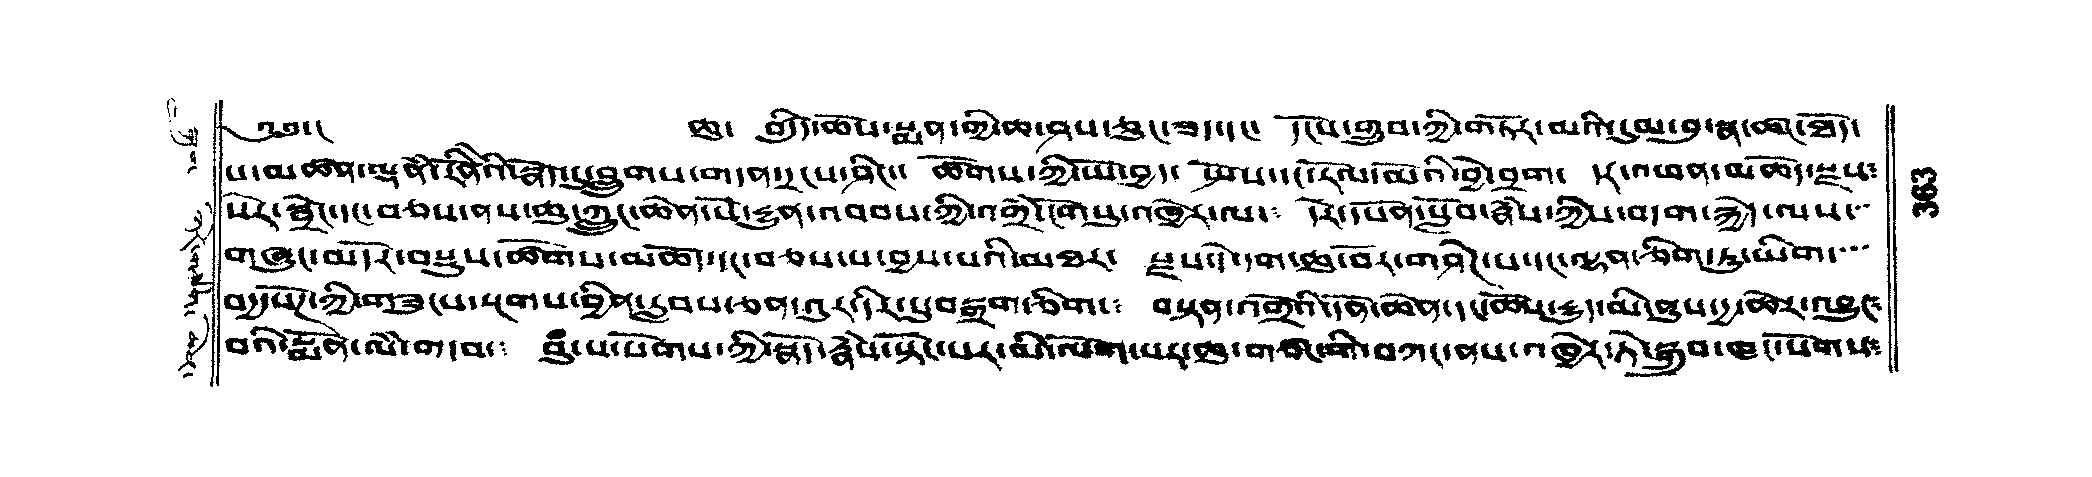ཆུ། བདུད་རྩི་ཆོས་སྨན་གྱི་ཆ་ཤས་ཅུང་ཟད་དང་། དངོས་གྲུབ་ཀྱི་གཏོར་མའི་དུམ་བུ་སྣ་ཚང་ཐོད་
པ་མཚན་ལྡན་ནམ་རིན་པོ་ཆེའི་སྣོད་དུ་བླུགས་གདན་དྲངས་ཤིང་། ཚོགས་ཀྱི་ཡོ་བྱད། སྤོས་དང་རོལ་མོའི་བྱེ་བྲག དར་འཕན་མཆོད་རྫས་
སེར་སྦྲེང་དང་བཅས་ན་ཆུ་ཀླུང་ཆེན་པོ་རྒྱུན་འབབས་ཀྱི་འགྲམ་ངོགས་སུ་འཁྱེར་ལ༴དེར་དཔོན་སློབ་རྣམས་ཀྱིས་བདག་སྐྱེད་ལས་
གཞུང་མདོར་བསྡུས་ཚོགས་མཆོད་དང་བཅས་པ་བྱས་པའི་མཐར། རྫས་དེ་དག་ཆུ་བོར་གཤེགས་པ་དང་ལྷན་ཅིག་ཏུ་ཡིག་
བརྒྱ་སོགས་ཀྱི་གཟུངས་སྔགས་བྱིན་རླབས་ཅན་འུར་དིར་དུ་བསྒྲག་ཅིག༴ བསྟན་འགྲོའི་དོན་ཆེན་དང་ཆོས་རྒྱུད་མི་ནུས་རྒྱ་ཆེར་འབྱུང་
བའི་སྨོན་ལམ་གདབ༴ བུམ་པ་སོགས་ཀྱི་སྣོད་རྣམས་སྟོང་པར་མི་ལོག་པར་ཆུ་གཙང་གི་བཀང་ནས་འཁྱེར་ཏེ་སྒྲུབ་ཁང་སོགས་